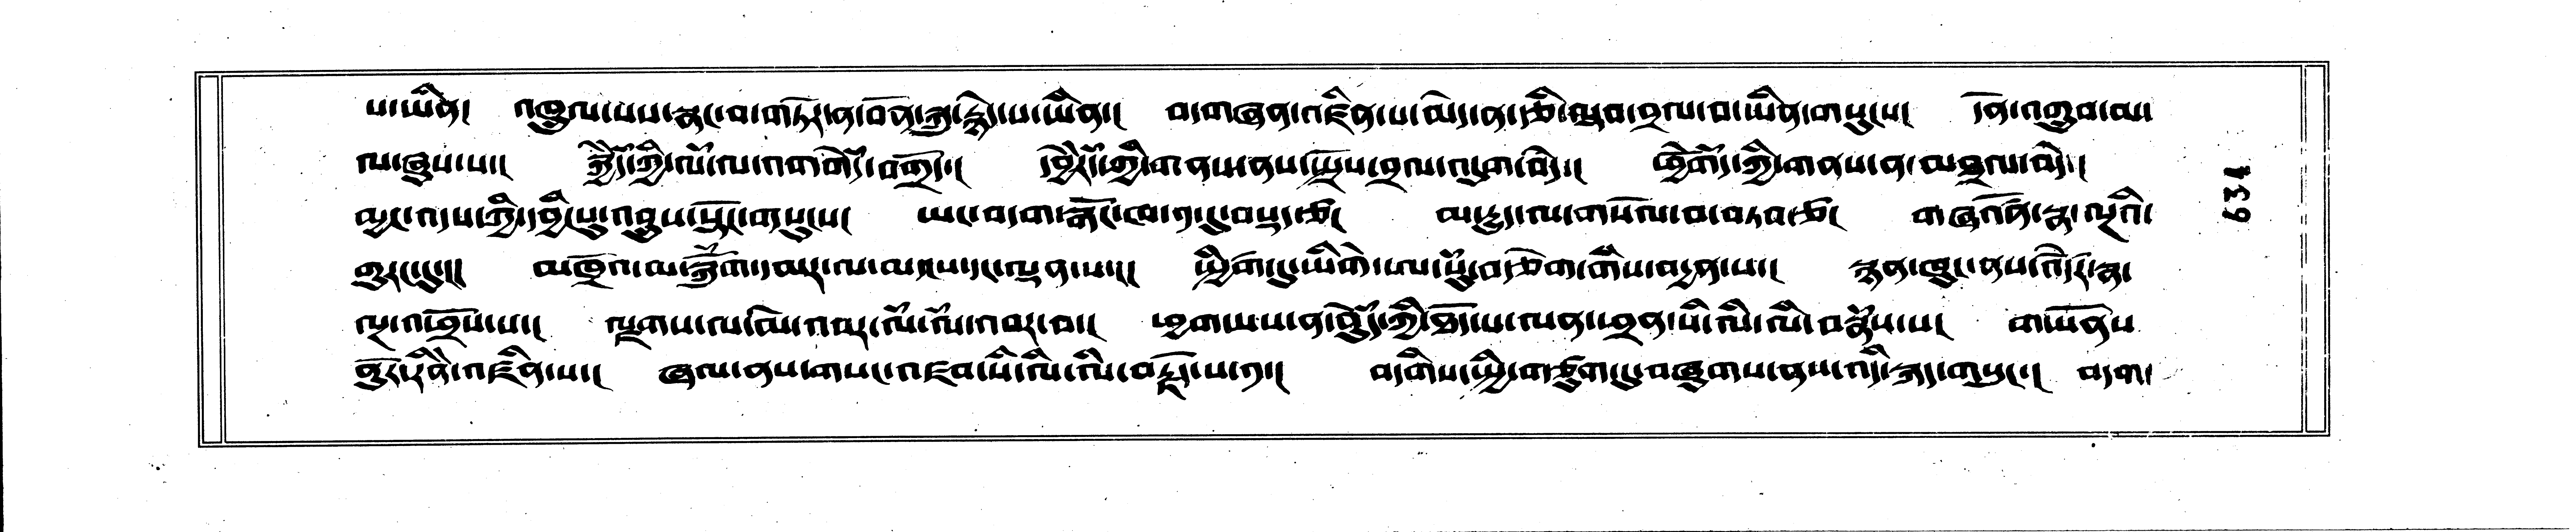སླེབ་པ་ཡིན། འཁྲུལ་པའི་སྣང་བ་བསྟོད་ན་བོན་སྐུ་རྙེད་པ་ཡིན། བདག་བཞན་འཛིན་པ་མེད་ན་རྩིས་རྡབ་བྲལ་བ་ཡིན་གསུངས། དོན་གྲུབ་མ་ལ་
ཞུས་པ། སྐྱེ་མེད་ཀྱི་ལམ་ལ་གྷག་(འགག)་མེད་འགྲོ། བྱར་མེད་ཀྱི་གནས་ལ་སྤྲོས་བྲལ་འདུག ཕྱོག་མེད་ཀྱི་གནས་ན་མཐའ་བྲལ་བདེ། 
མྱང་འདས་དབྱིངས་སུ་འབྲས་བུ་སྟོང་གསུངས། ཡང་བདག་སྣང་”སྤང”ཁ་གཅིག་ཏུ་བསྡད་ནས་མ་རྒྱུད་ལ་གསོལ་བ་བཏབ་ཙ། གཞའ་ཚོན་སྣ་ལྔའི་
གུར་ཁང་དུ། མཁའ་འགྲོ་སྐུ་མདོག་དམར་ལ་མདངས་དང་ལྡན་པ། སྤྱི་གཙུག་ཏུ་ཡི་གེ་ཨ་གསུམ་བརྩེགས་གིས་བརྒྱན་པ། སྙན་ཁུང་ནས་འོད་ཟེར་
འཕྲོ་བ། ལྗགས་ལ་མེ་དམར་ལམ་ལམ་འབར་བ་ཕྱག་གཡས་ན་བུ་མེད་ཐོད་པ་ལན་ཕྲན་སི་ལེ་བ་གཅིག་བསྣོམས་པ། གཡོན་ན་
ནོར་བུ་རིན་པོ་ཆེ་འཛིན་པ། ཞལ་ནས་གསང་འཛབ་སི་ལི་ལི་བརྗོད་པ་གཅིག་བདག་གི་སྤྱི་གཙུག་དུ་བཞུགས་ནས་འདི་སྐད་གསུངས། བདག་